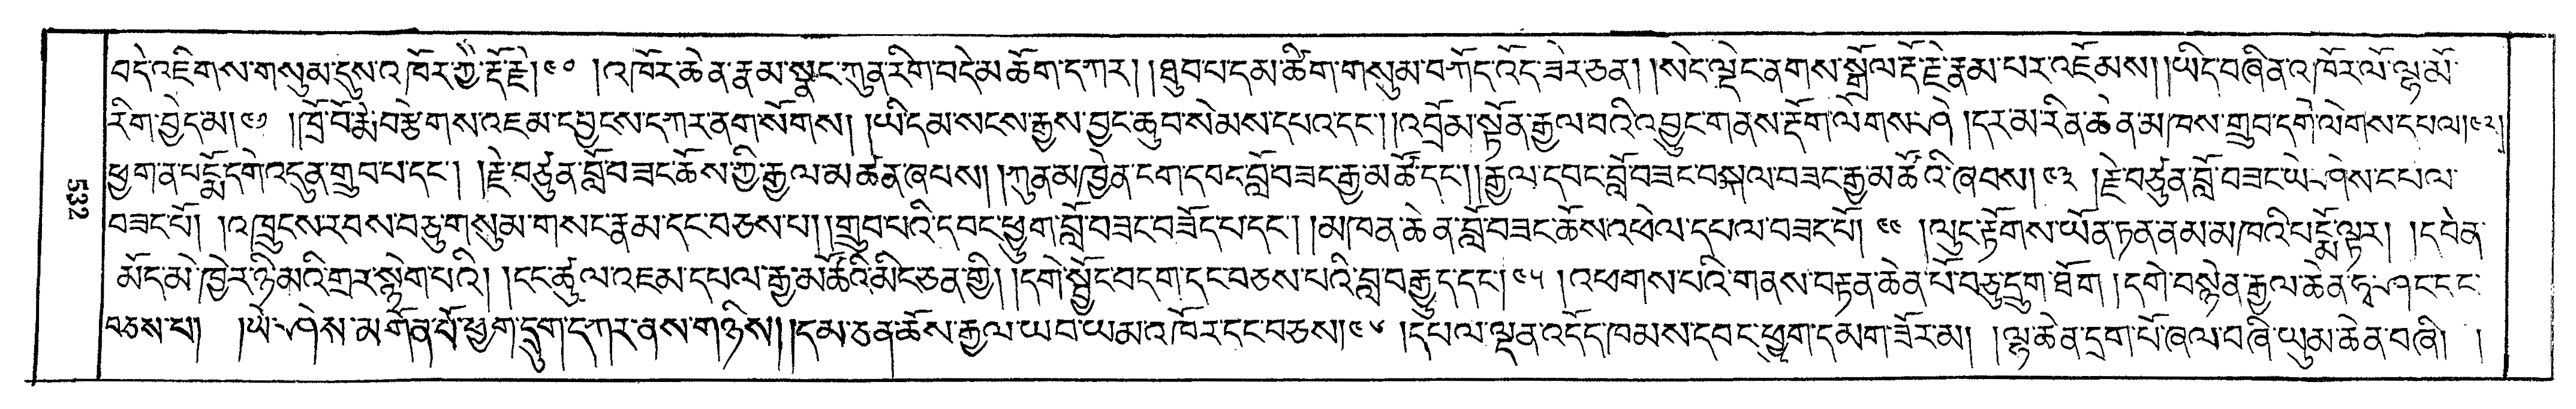བདེ་འཇིགས་གསུམ་དུས་འཁོར་ཀྱཻ་རྡོ་རྗེ། ༤༠་།འཁོར་ཆེན་རྣམ་སྣང་ཀུན་རིག་བདེ་མཆོག་དཀར། །ཐུབ་པ་དམ་ཚིག་གསུམ་བཀོད་འོད་ཟེར་ཅན། །སེང་ལྡེང་ནགས་སྒྲོལ་རྡོ་རྗེ་རྣམ་པར་འཇོམས། །ཡིད་བཞིན་འཁོར་ལོ་ལྷ་མོ་
རིག་བྱེད་མ། ༤༡་།ཁྲོ་བོ་རྨེ་བརྩེགས་འཇམ་དབྱངས་དཀར་ནག་སོགས། །ཡི་དམ་སངས་རྒྱས་བྱང་ཆུབ་སེམས་དཔའ་དང་། །འབྲོ་མ་སྟོན་རྒྱལ་བའི་འབྱུང་གནས་རྡོག་ལེགས་ཤེ། །དར་མ་རིན་ཚེན་མཁས་གྲུབ་དགེ་ལེགས་དཔལ། ༤༢།
ཕྱག་ན་པདམོ་དགེ་འདུན་གྲུབ་པ་དང་། །རྗེ་བཙུན་བློ་བཟང་ཆོས་ཀྱི་རྒྱལ་མཚན་ཞབས། །ཀུན་མཁྱེན་ངག་དབང་བློ་བཟང་རྒྱ་མཚོ་དང་། །རྒྱལ་དབང་བློ་བཟང་བསྐལ་བཟང་རྒྱ་མཚོའི་ཞབས། ༤༣་།རྗེ་བཙུན་བློ་བཟང་ཡེ་ཤེས་དཔལ་
བཟང་པོ། །འཁྲུངས་རབས་བཅུ་གསུམ་གསང་རྣམ་དང་བཅས་པ། །གྲུབ་པའི་དབང་ཕྱུག་བློ་བཟང་བཟོད་པ་དང་། །མཁན་ཆེན་བློ་བཟང་ཆོས་འཕེལ་དཔལ་བཟང་པོ། ༤༤་།ལུང་རྟོགས་ཡོན་ཏན་ནམ་མཁའི་པདམོ་ལྟར། །དབེན་
མོད་མེ་ཁྱེར་ཉི་མའི་གྲར་སྙེག་པའི། །ངང་ཚུལ་འཇམ་དཔལ་རྒྱ་མཚོའི་མིང་ཅན་གྱི། །དགེ་སྦྱོང་བདག་དང་བཅས་པའི་བླ་བརྒྱུད་དད། ༤༥་།འཕགས་པའི་གནས་བརྟན་ཆེན་པོ་བཅུ་དྲུག་ཐོག །དགེ་བསྙེན་རྒྱལ་ཆེན་ཧྭ་ཤང་དང་
བཅས་པ། །ཡེ་ཤེས་མགོན་པོ་ཕྱག་དྲུག་དཀར་ནག་གཉིས། །དམ་ཅན་ཆོས་རྒྱལ་ཡབ་ཡུམ་འཁོར་དང་བཅས། ༤༦་།དཔལ་ལྡན་འདོད་ཁམས་དབང་ཕྱུག་དམག་གཟོར་མ། །ལྷ་ཆེན་དྲག་པོ་ཞལ་བཞི་ཡུམ་ཆེན་བཞི། །